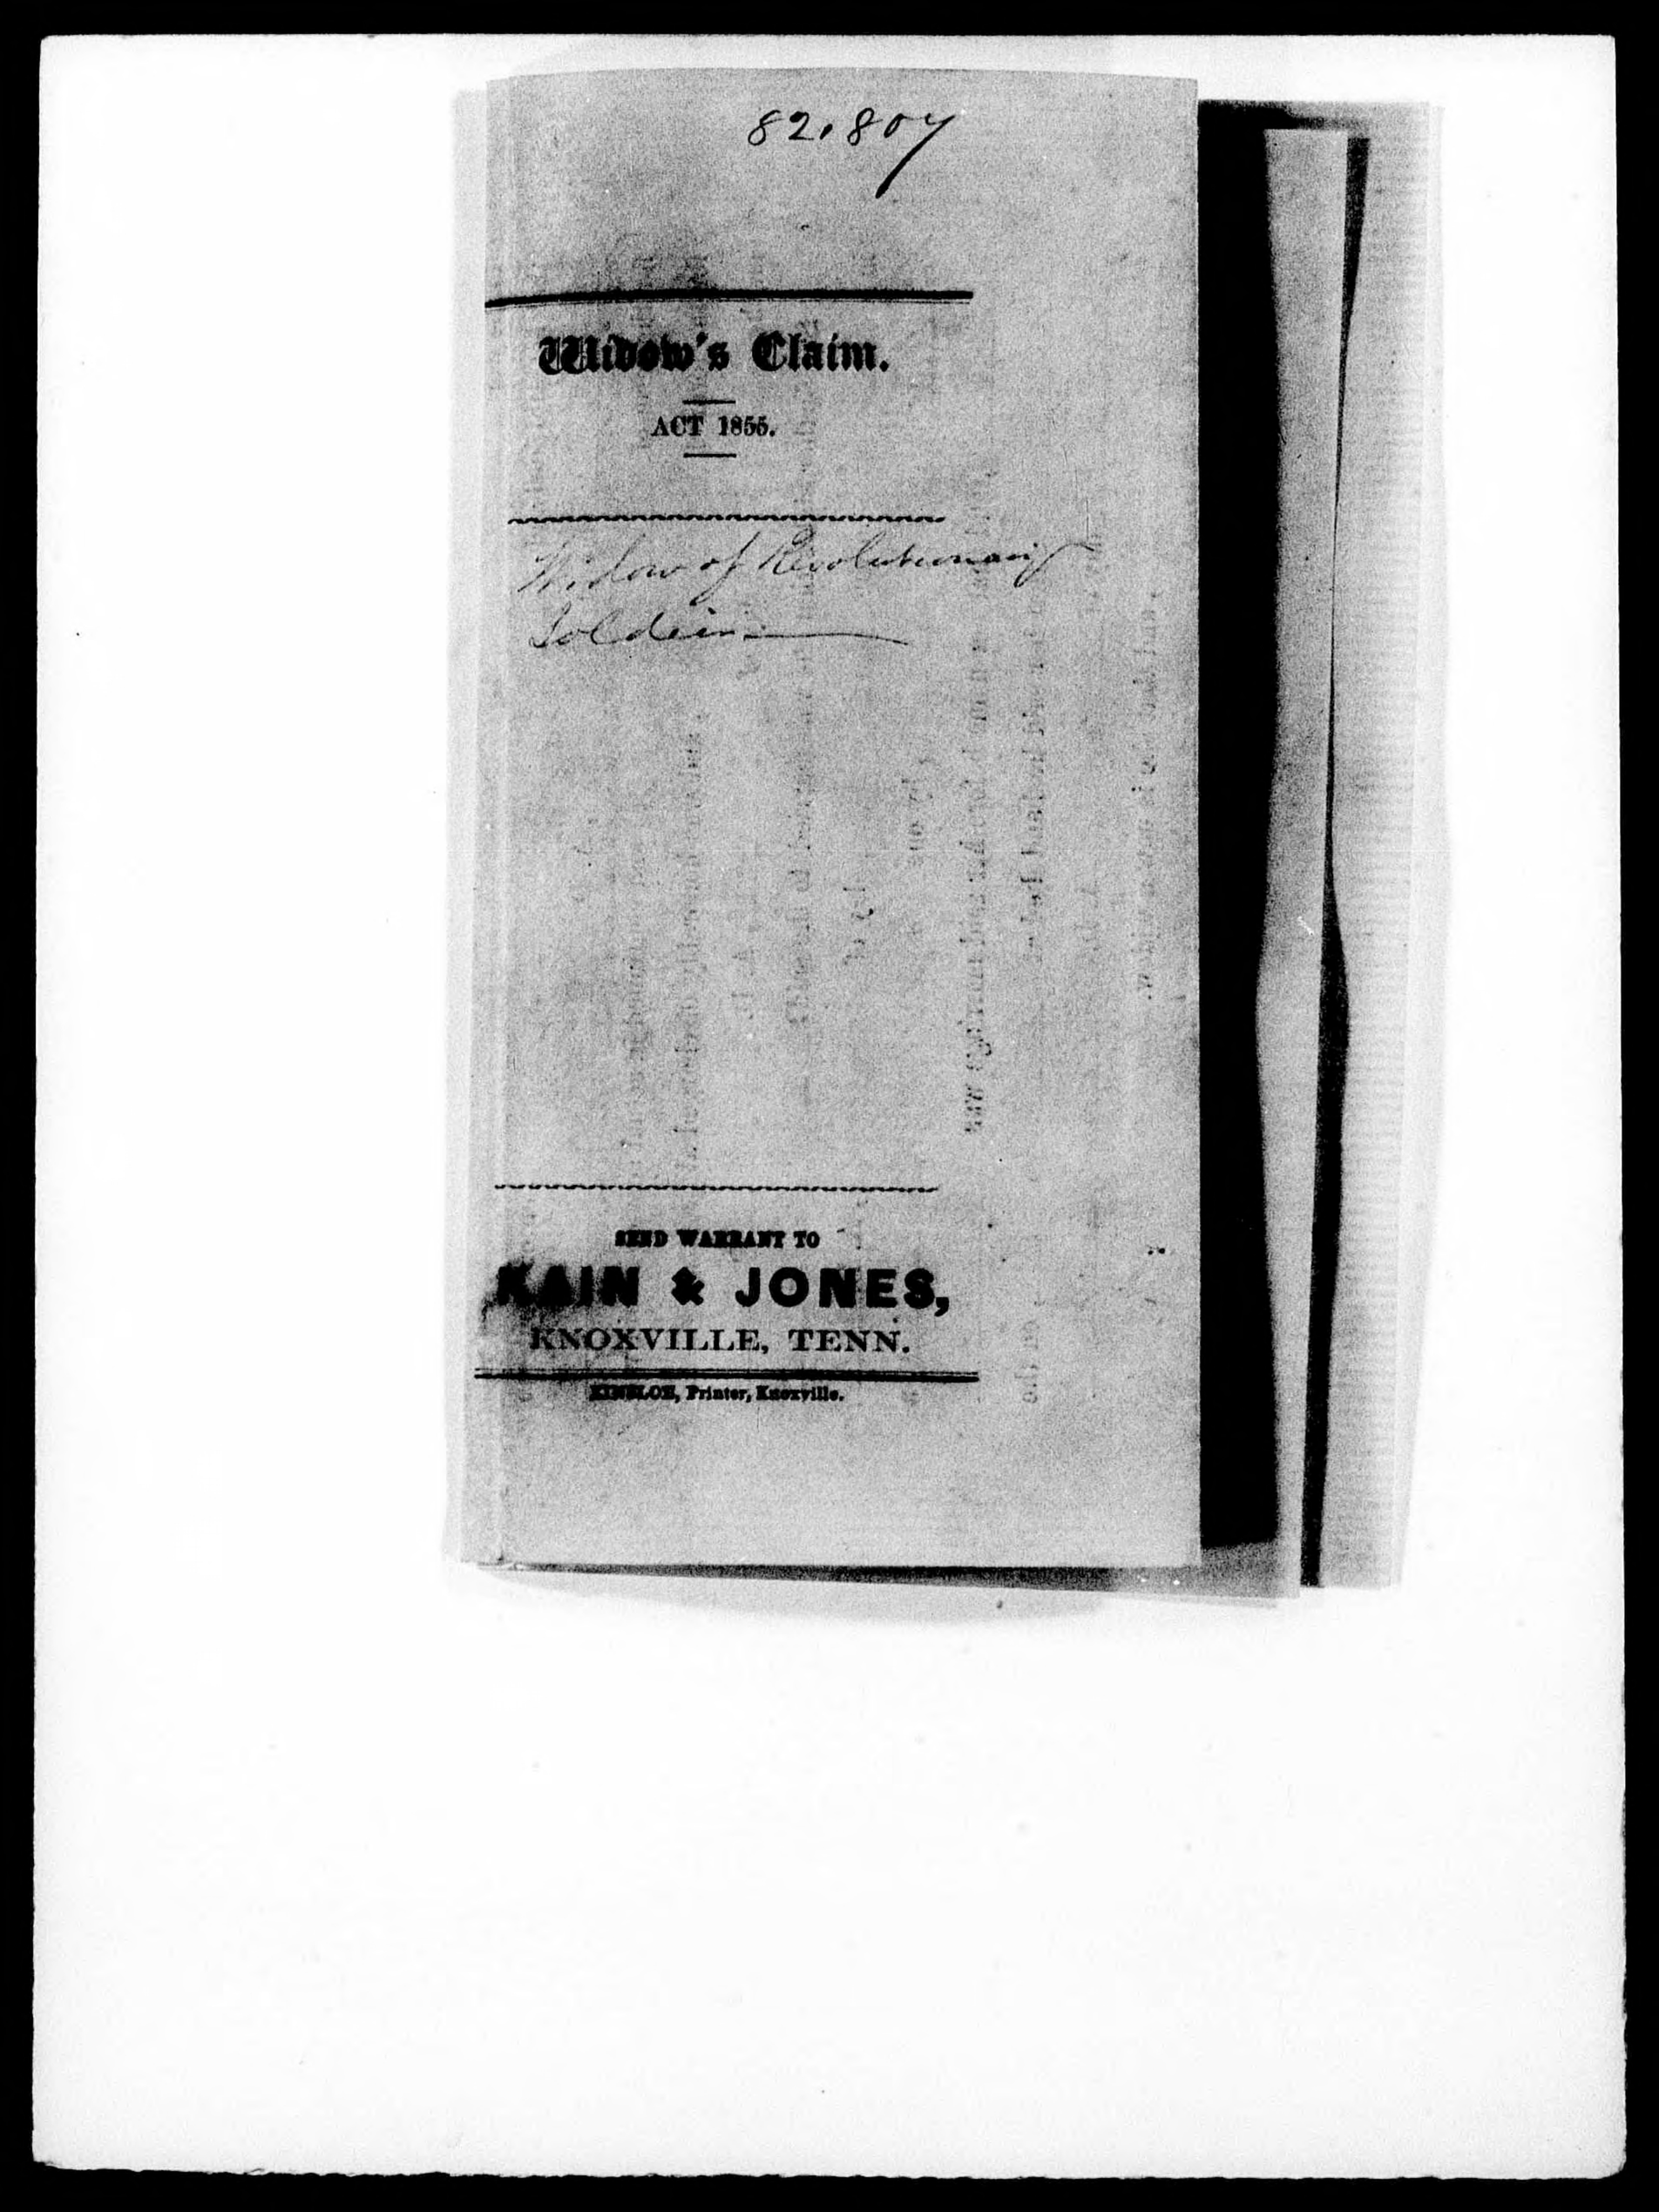82.809

Widow's Claim.
Act 1855

Widow of Revolutionary soldiers

Deed Warrant to
Kain & Jones,
Knoxville, Tenn.
KINSLOX,  Printer, Knoxville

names: Kain, Jones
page: 7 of 24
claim: rejected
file: R. 4684, Simon Harris, Va.